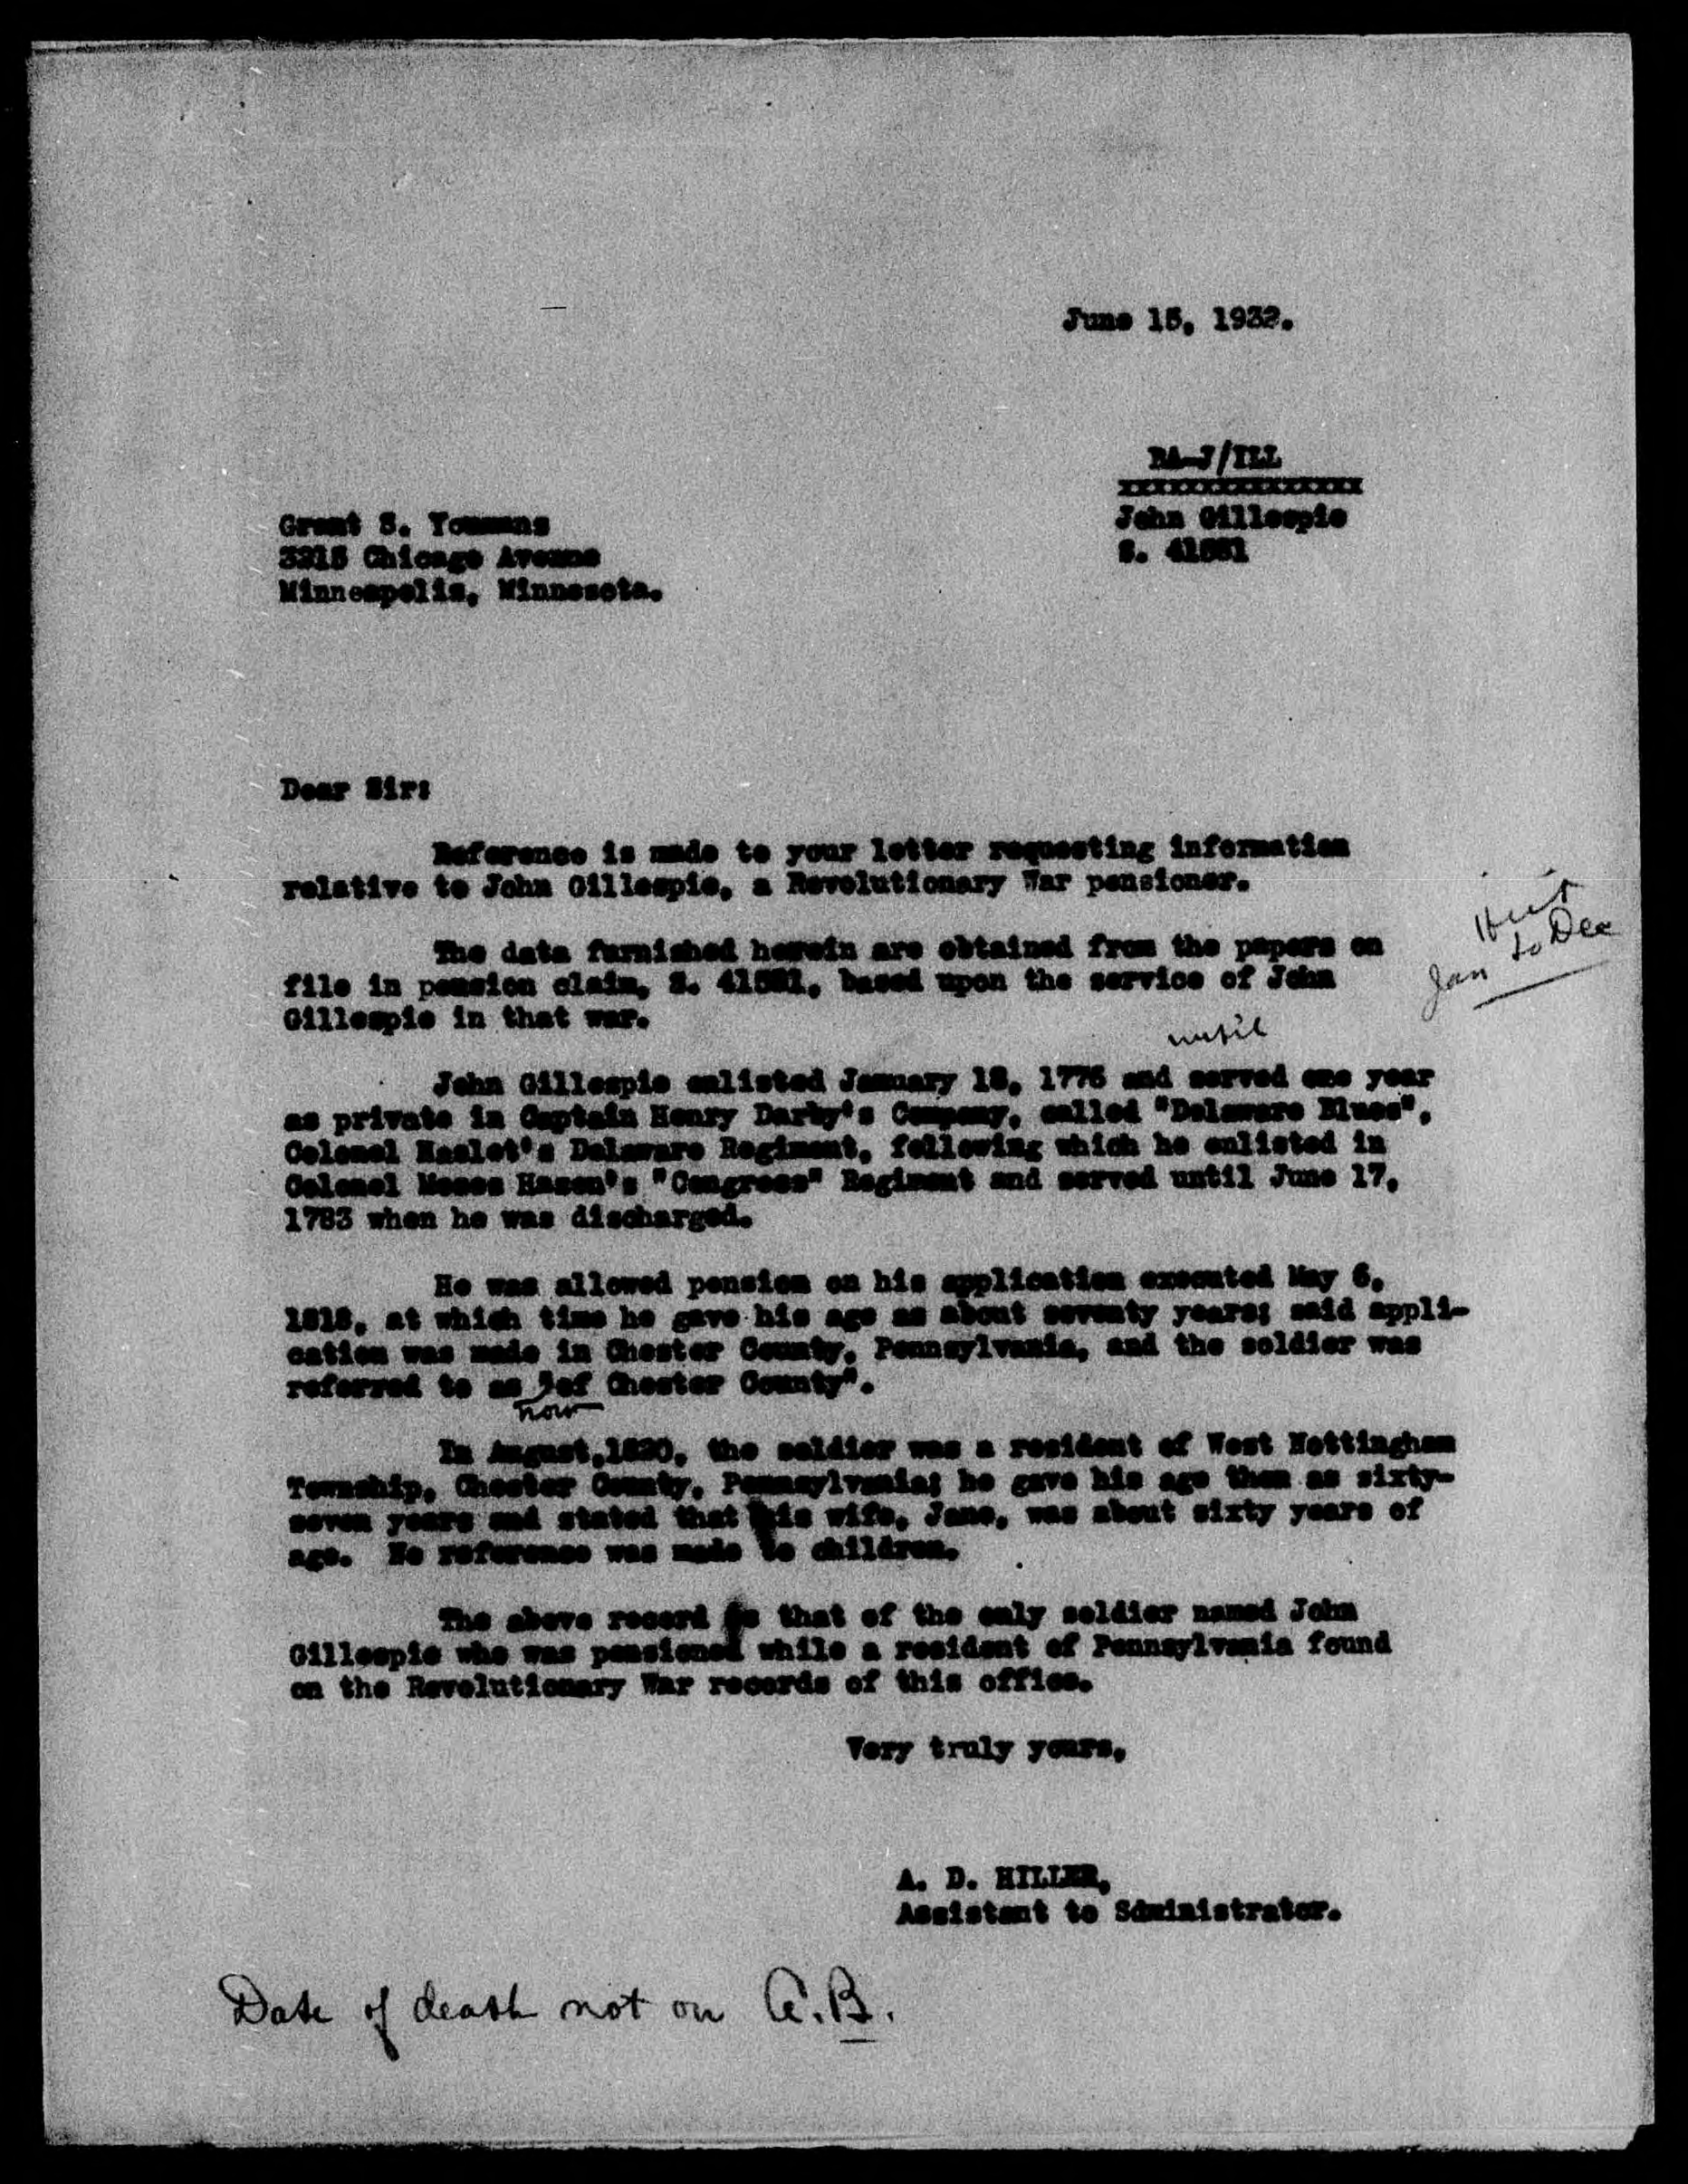June 15, 1932
Grant S. Youmans 
3215 Chicago Avenue
Minneapolis, Minnesota.

John Gillespie
S. 41581

Dear Sir:
Reference is made to your letter requesting information relative to John Gillespie, a Revolutionary War pensioner.
The data furnished herein are obtained from the papers on file in pension claim, S. 41581, based upon the service of John Gillespie in that war.
John Gillespie enlisted January 18, 1775 and served one year as private in Captain Henry Darby's Company, called "Delaware Blues", Colonel Kaslet's Delaware Regiment, following which he enlisted in Colonel Moses Hansen's "Congress" Regiment and served until June 17, 1783 when he was discharged.
He was allowed pension on his application executed May 6, 1818, at which time he gave his age as about seventy years; said application was made in Chester County, Pennsylvania, and the soldier was referred to as "of Chester County".
In August, 1830, the soldier was a resident of West Nottingham Township, Chester County, Pennsylvania; he gave his age then as sixty-seven years and stated that his wife, Jane, was about sixty years of age. No reference was made to children.
The above record is that of the ojnly soldier named John Gillespie who was pensioned while a resident of Pennsylvania found on the Revolutionary War records of this officel.
Very truly yours,
A.D. Hiller,
Assistant to Administrator
Date of death not on A.B.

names: John Gillespie, Jane, Grant S Youmans, John Gillespie, John Gillespie, A D Hiller, John Gillespie, John Gillespie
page: 10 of 20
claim: survivor's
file: S. 41581, John Gillespie, Continental Del.